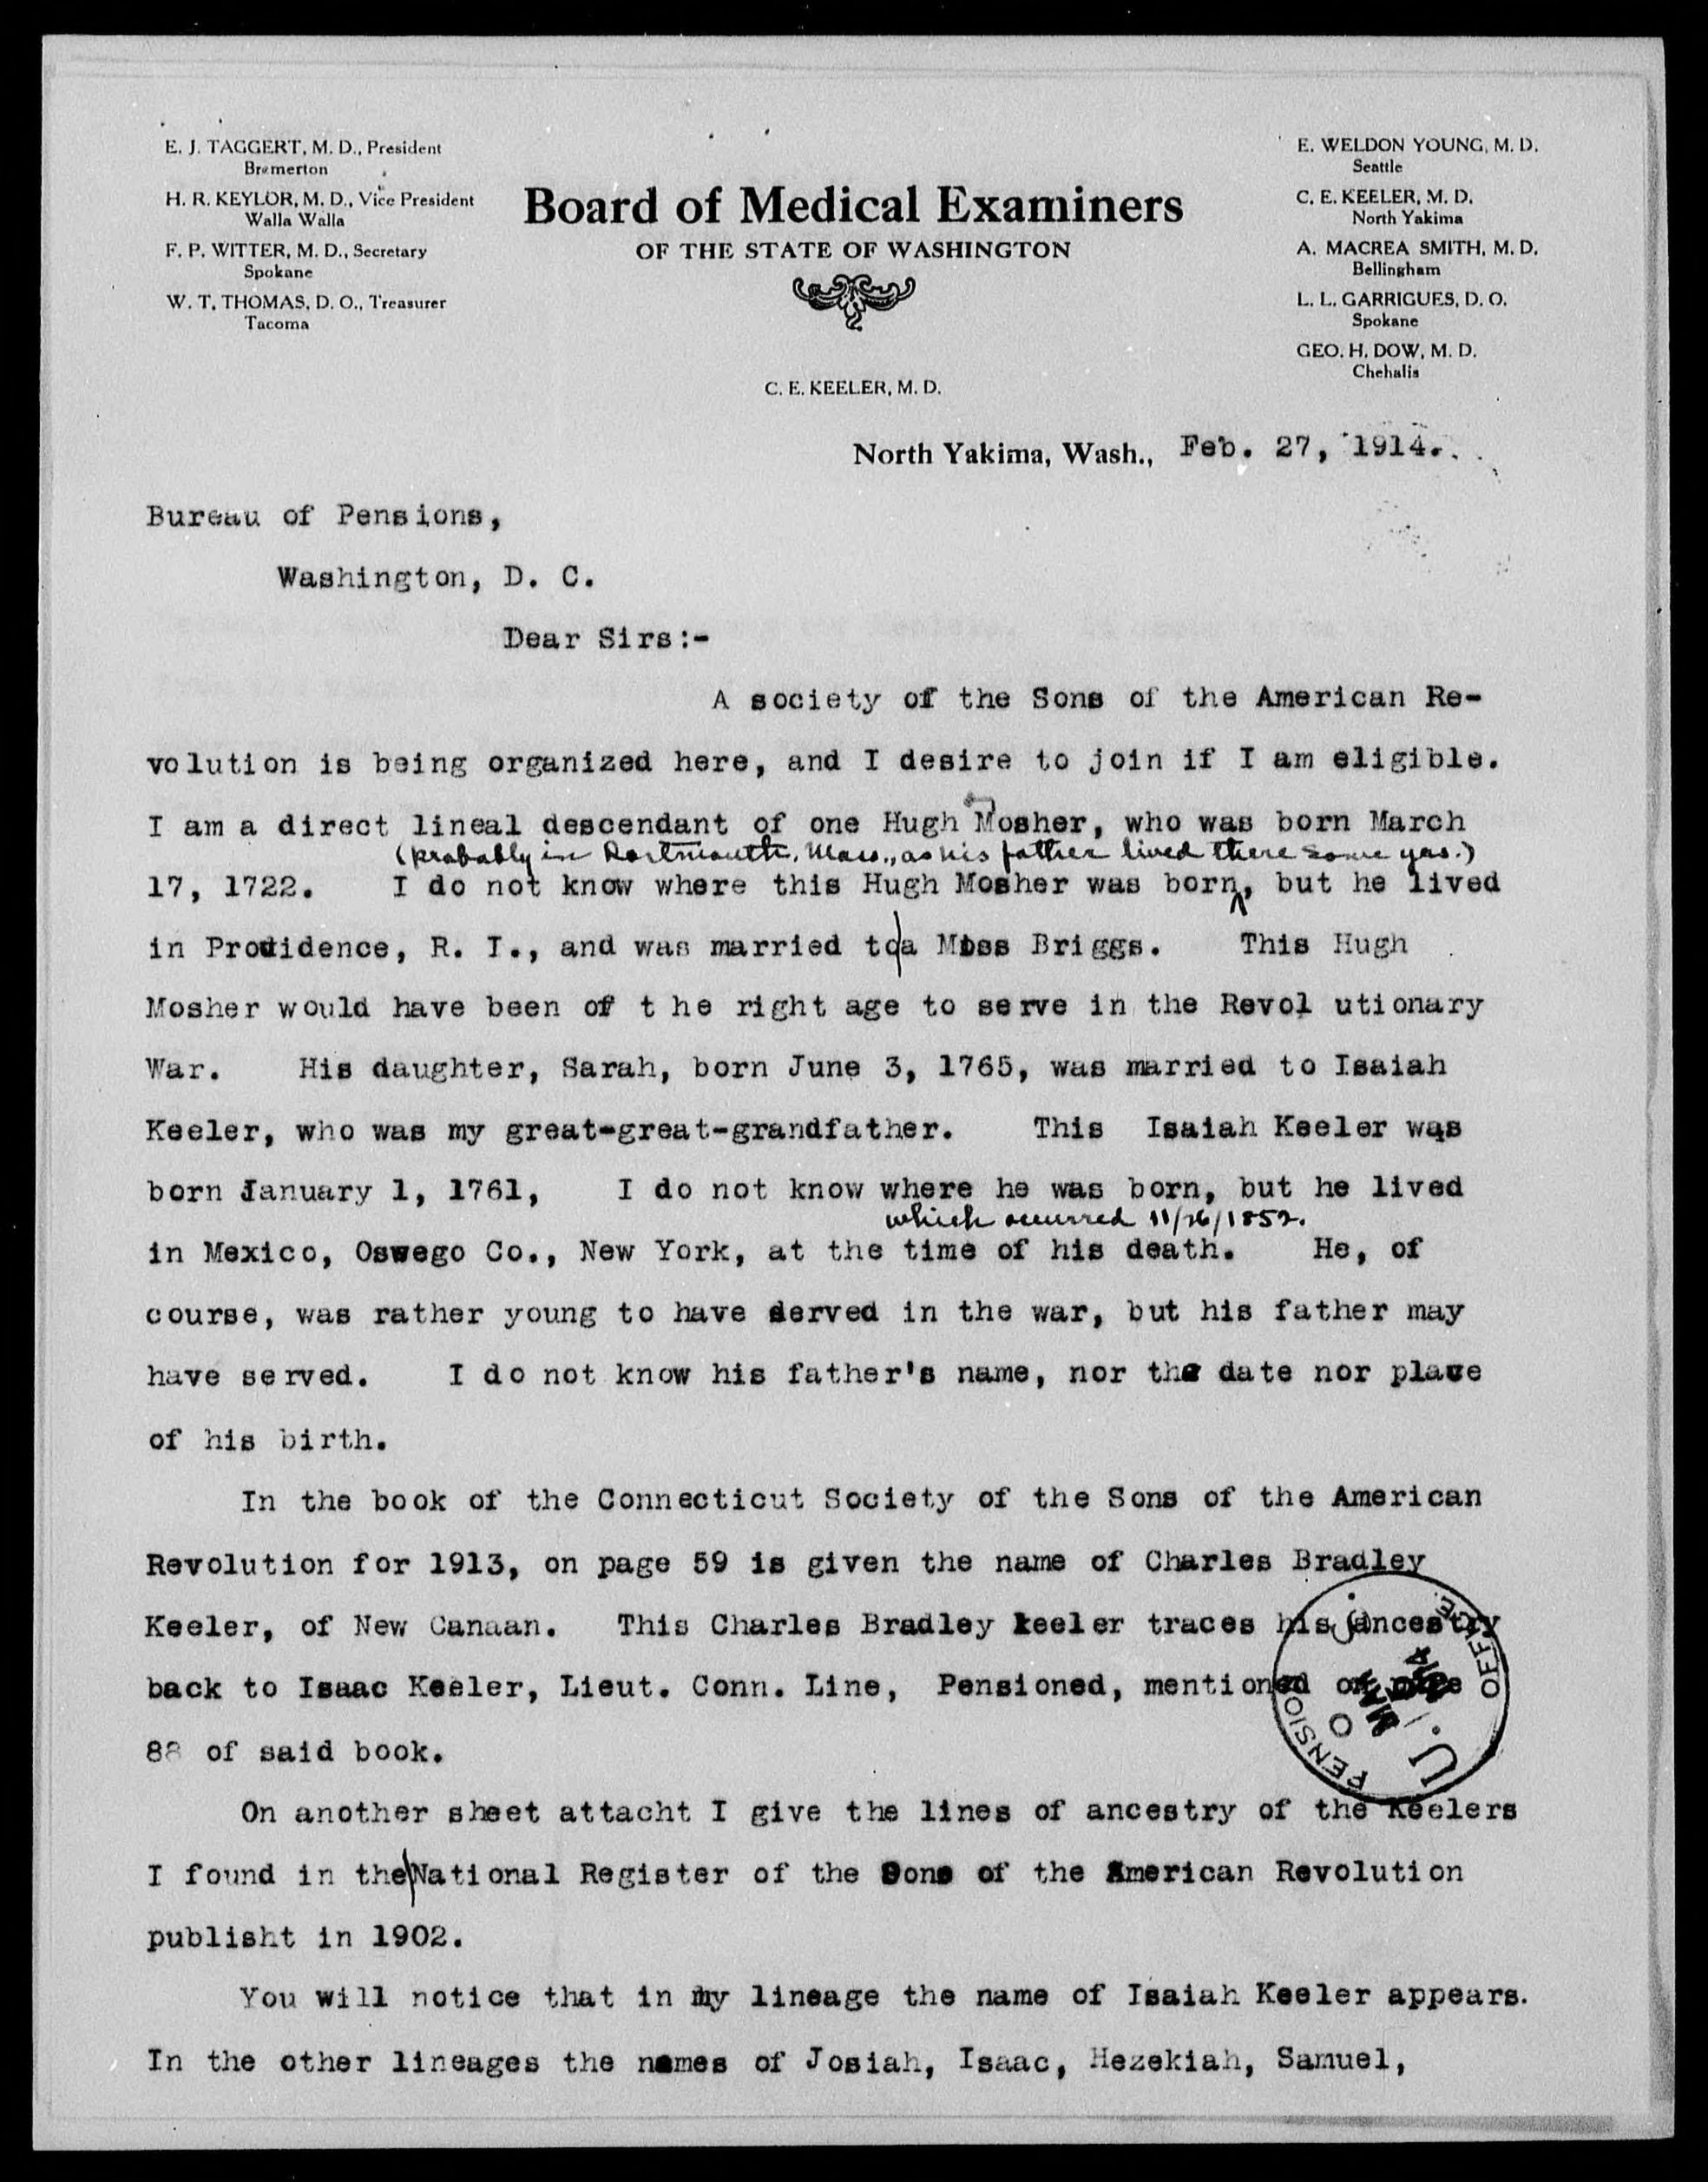Board of Medical Examiners
OF THE STATE OF WASHINGTON
C. E. KEELER, M. D.
North Yakima, Wash.,

E. J. TAGGERT, M. D., President
Bremerton
H.R. KEYLOR, M.D., Vice President
Walla Walla
F. P. WITTER, M. D., Secretary
Spokane
W. T. THOMAS, D. O., Treasurer
Tacoma

E. WELDON YOUNG, M. D.
Seattle
C. E. KEELER, M. D.
North Yakima
A. MACREA SMITH, M. D.
Bellingham
L. L. GARRIGUES, D. O.
Spokane
GEO. H. DOW, M. D.
Chehalis

Feb. 27, 1914.
Bureau of Pensions
Washington, D.C.
Dear Sirs:-
A society of the Sons of the American Revolution
is being organized here, and I desire to join if I am eligible.
I am a direct lineal descendant of one Hugh Mosher, who was born March
17, 1722.
I do not know where this Hugh Mosher was born, (probably in Dartmouth, Mass., as his father lived there some yrs.) but he lived in
Providence, R. I., and was married to a Miss Briggs. This Hugh Mosher would have been of the right age to serve in the Revolutionary War. His daughter, Sarah, born June 3, 1765, was married to Isaiah
Keeler, who was my great-great-grandfather. This Isaiah Keeler was
born January 1, 1761, I do not know where he was born, but he lived
in Mexico, Oswego Co., New York, at the time of his death. which occurred 11/6/1852. He, of
course, was rather young to have served in the war, but his father may
have served. I do not know his father's name, nor the date nor place
of his birth.
In the book of the Connecticut Society of the Sons of the American
Revolution for 1913, on page 59 is given the name of Charles Bradley
Keeler, of New Canaan. This Charles Bradley Keeler traces his ancestry
back to Isaac Keeler, Lieut. Conn. Line, pensioned, mentioned on page
88 of said book.
On another sheet attacht I give the lines of ancestry of the Keelers
I found in the National Register of the Sons of the American Revolution
publisht in 1902.
You will notice that in my lineage the name of Isaiah Keeler appears.
In the other lineages the names of Josiah, Isaac, Hezekiah, Samuel,

[stamped] U.S.Pension Office Mar 6 1914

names: F P Witter; Sarah [BLANK]; Isaiah Keeler; L L Garrigues; C E Keeler; H R Keylor; W T Thomas; E J Taggert; [BLANK] Briggs; Josiah [BLANK]; Hezekiah [BLANK]; A Macrea Smith; Geo H Dow; E Weldon Young; Charles Bradley Keeler; Isaac [BLANK]; Hugh Mosher; Samuel [BLANK]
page: 21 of 26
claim: survivor's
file: S. 13,625, for Isaiah Keeler, New York